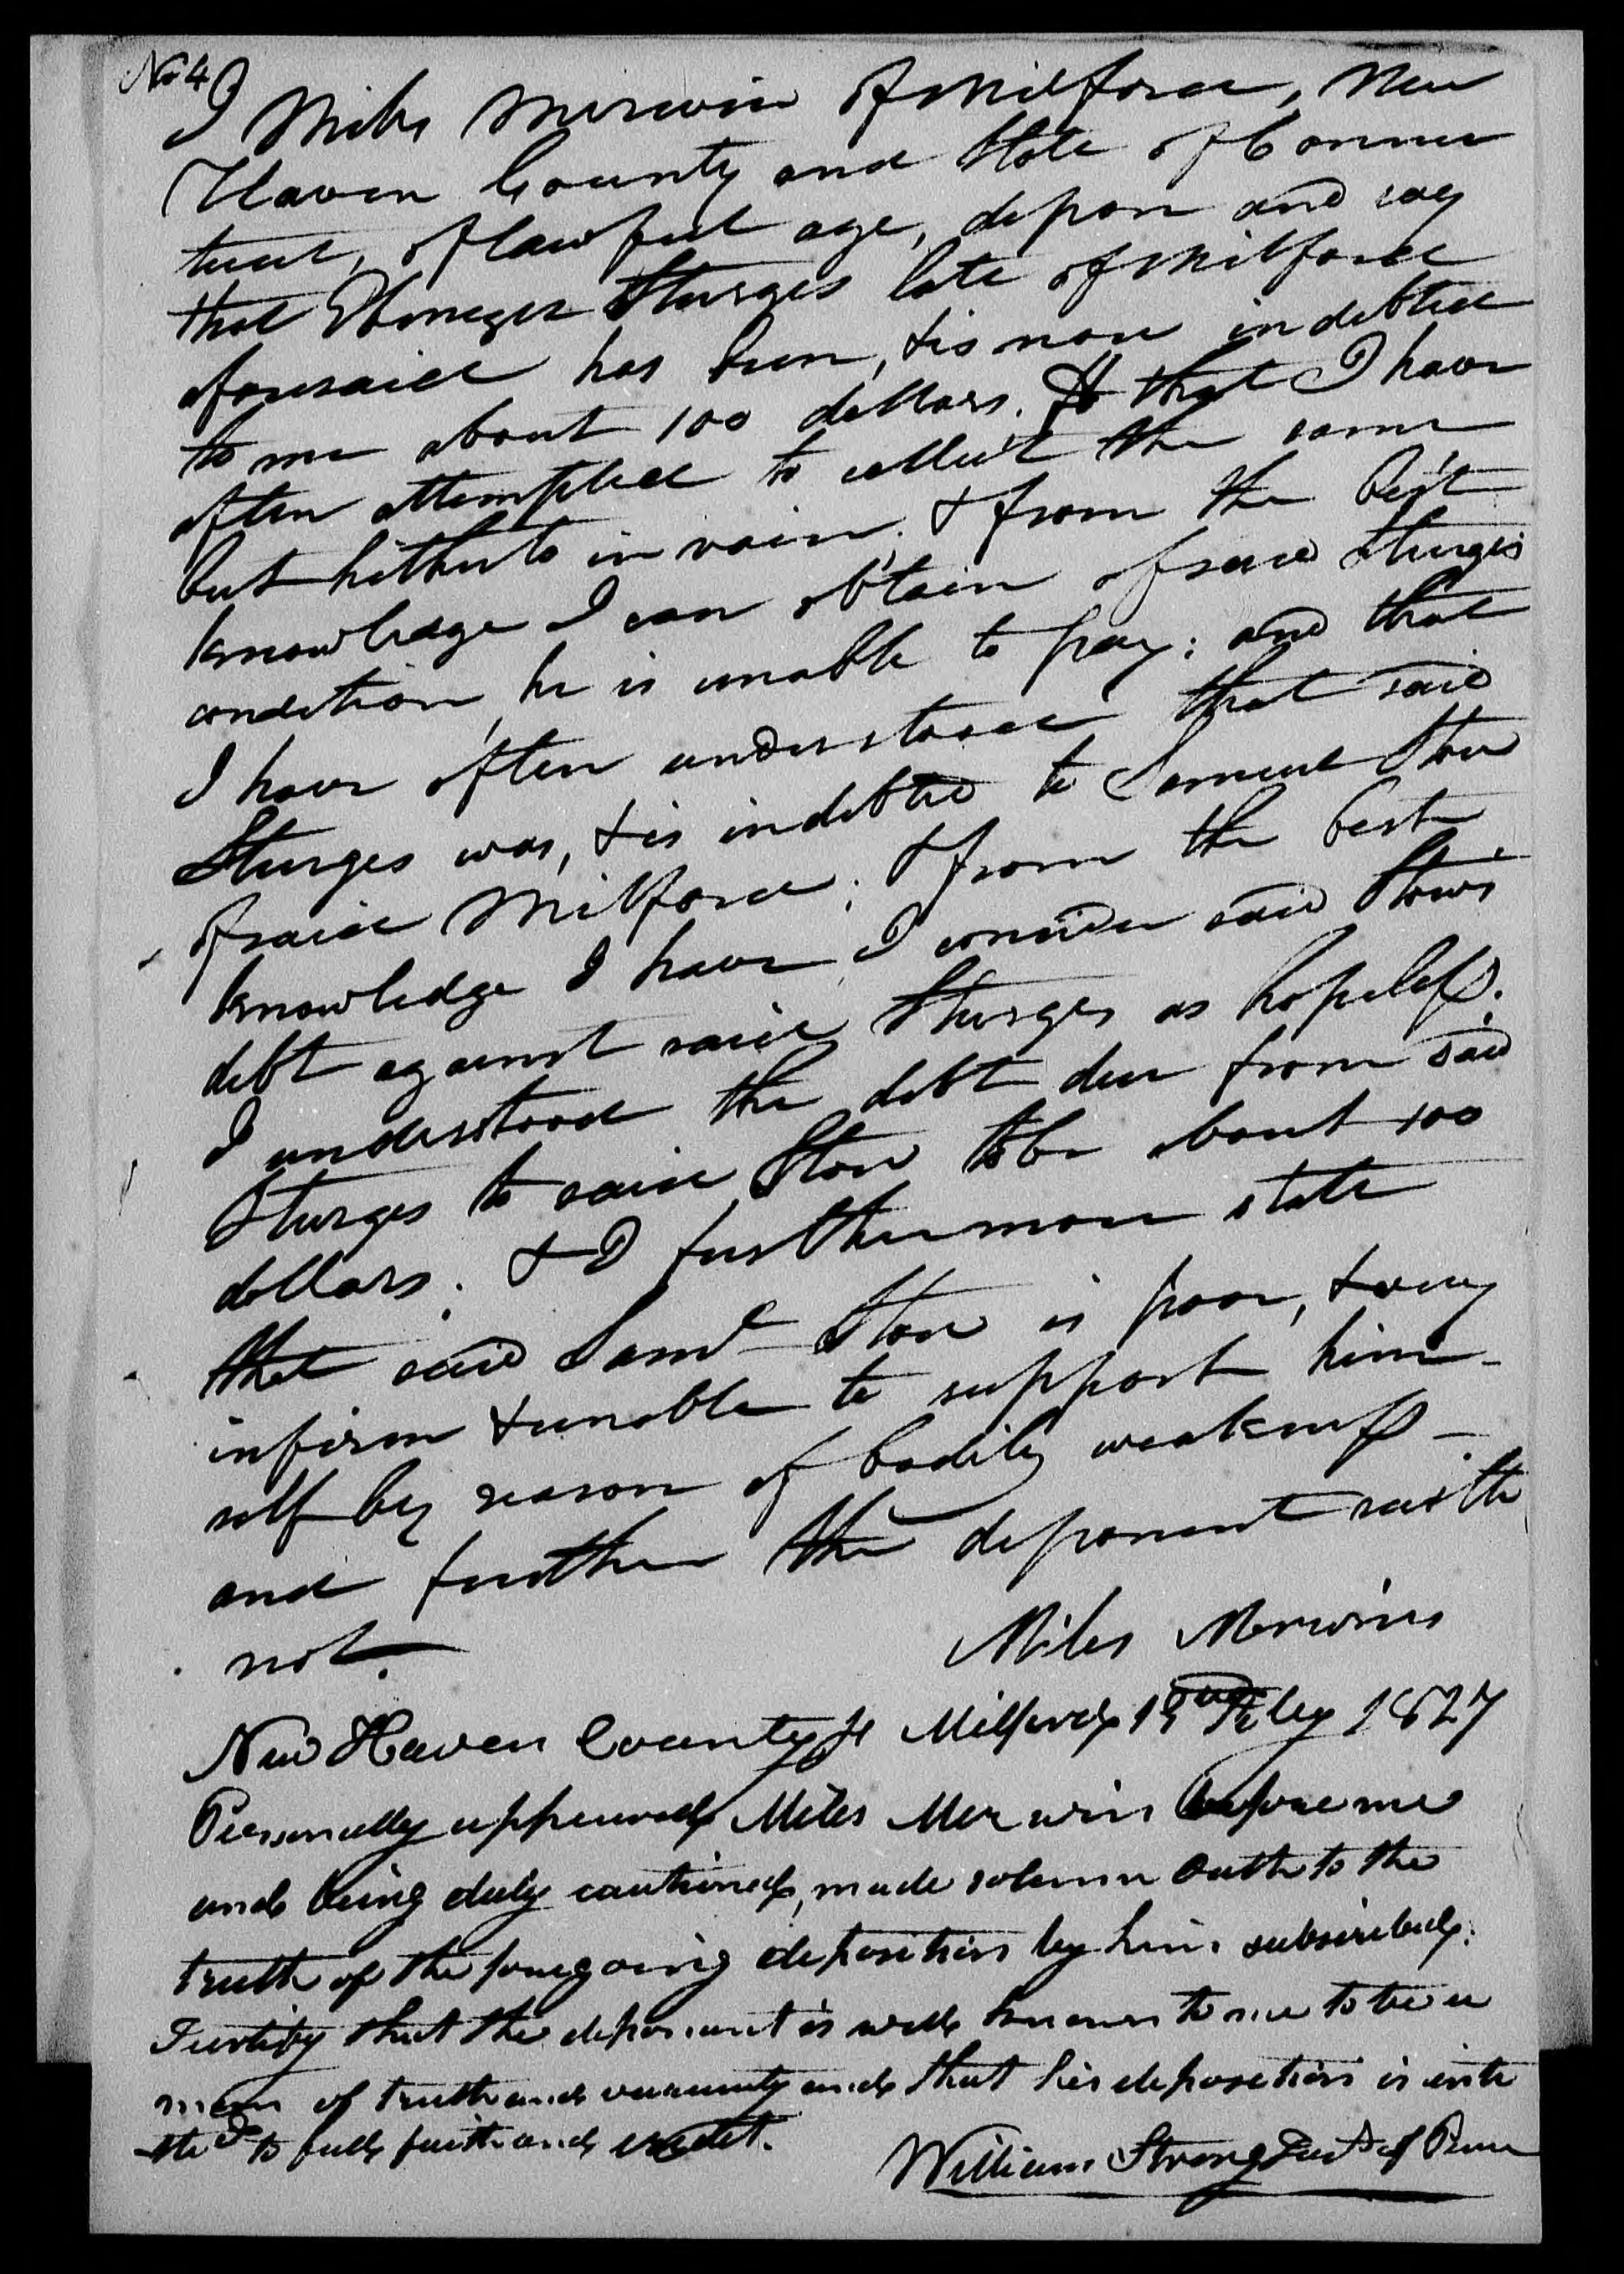No. 4
I Miles Mervin of Milford, New Haven County and State of Connecticut, of lawful age, depose and say that Ebenezer Sturges late of Milford
aforesaid has been, & is now indebted to me
about 100 dollars. & that I have often attempted to collect the same but hitherto in vain & from the best knowledge I can obtain of said Sturges' condition he is unable to pay: and that I have often understood that said Sturges was, & is indebted to Sam'l Stow of said Milford & from the best knowledge I
have I consider said Stow's debt against said Sturges as hopeless:  I understood the debt due from said Sturges to said Stow to be about 100 dollars.  & I furthermore state that said Sam'l Stow is poor, & very infirm & unable to support himself by reason of bodily weakness -
and further the deponent saith not.
[signed] Miles Merwin

New Haven County } ss:
Milford 19th Feby 1827
Personally appeared Miles Merwin before me
and being duly cautioned made solemn oath to the truth of the foregoing deposition by him subscribed.
I certify that the deponent is well known to me to be of truth and veracity and that his deposition is entitled to full faith and credit.
William Strong Justice of Peace
men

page: 24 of 42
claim: survivor's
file: S. 36,819, for Samuel Stow, Connecticut